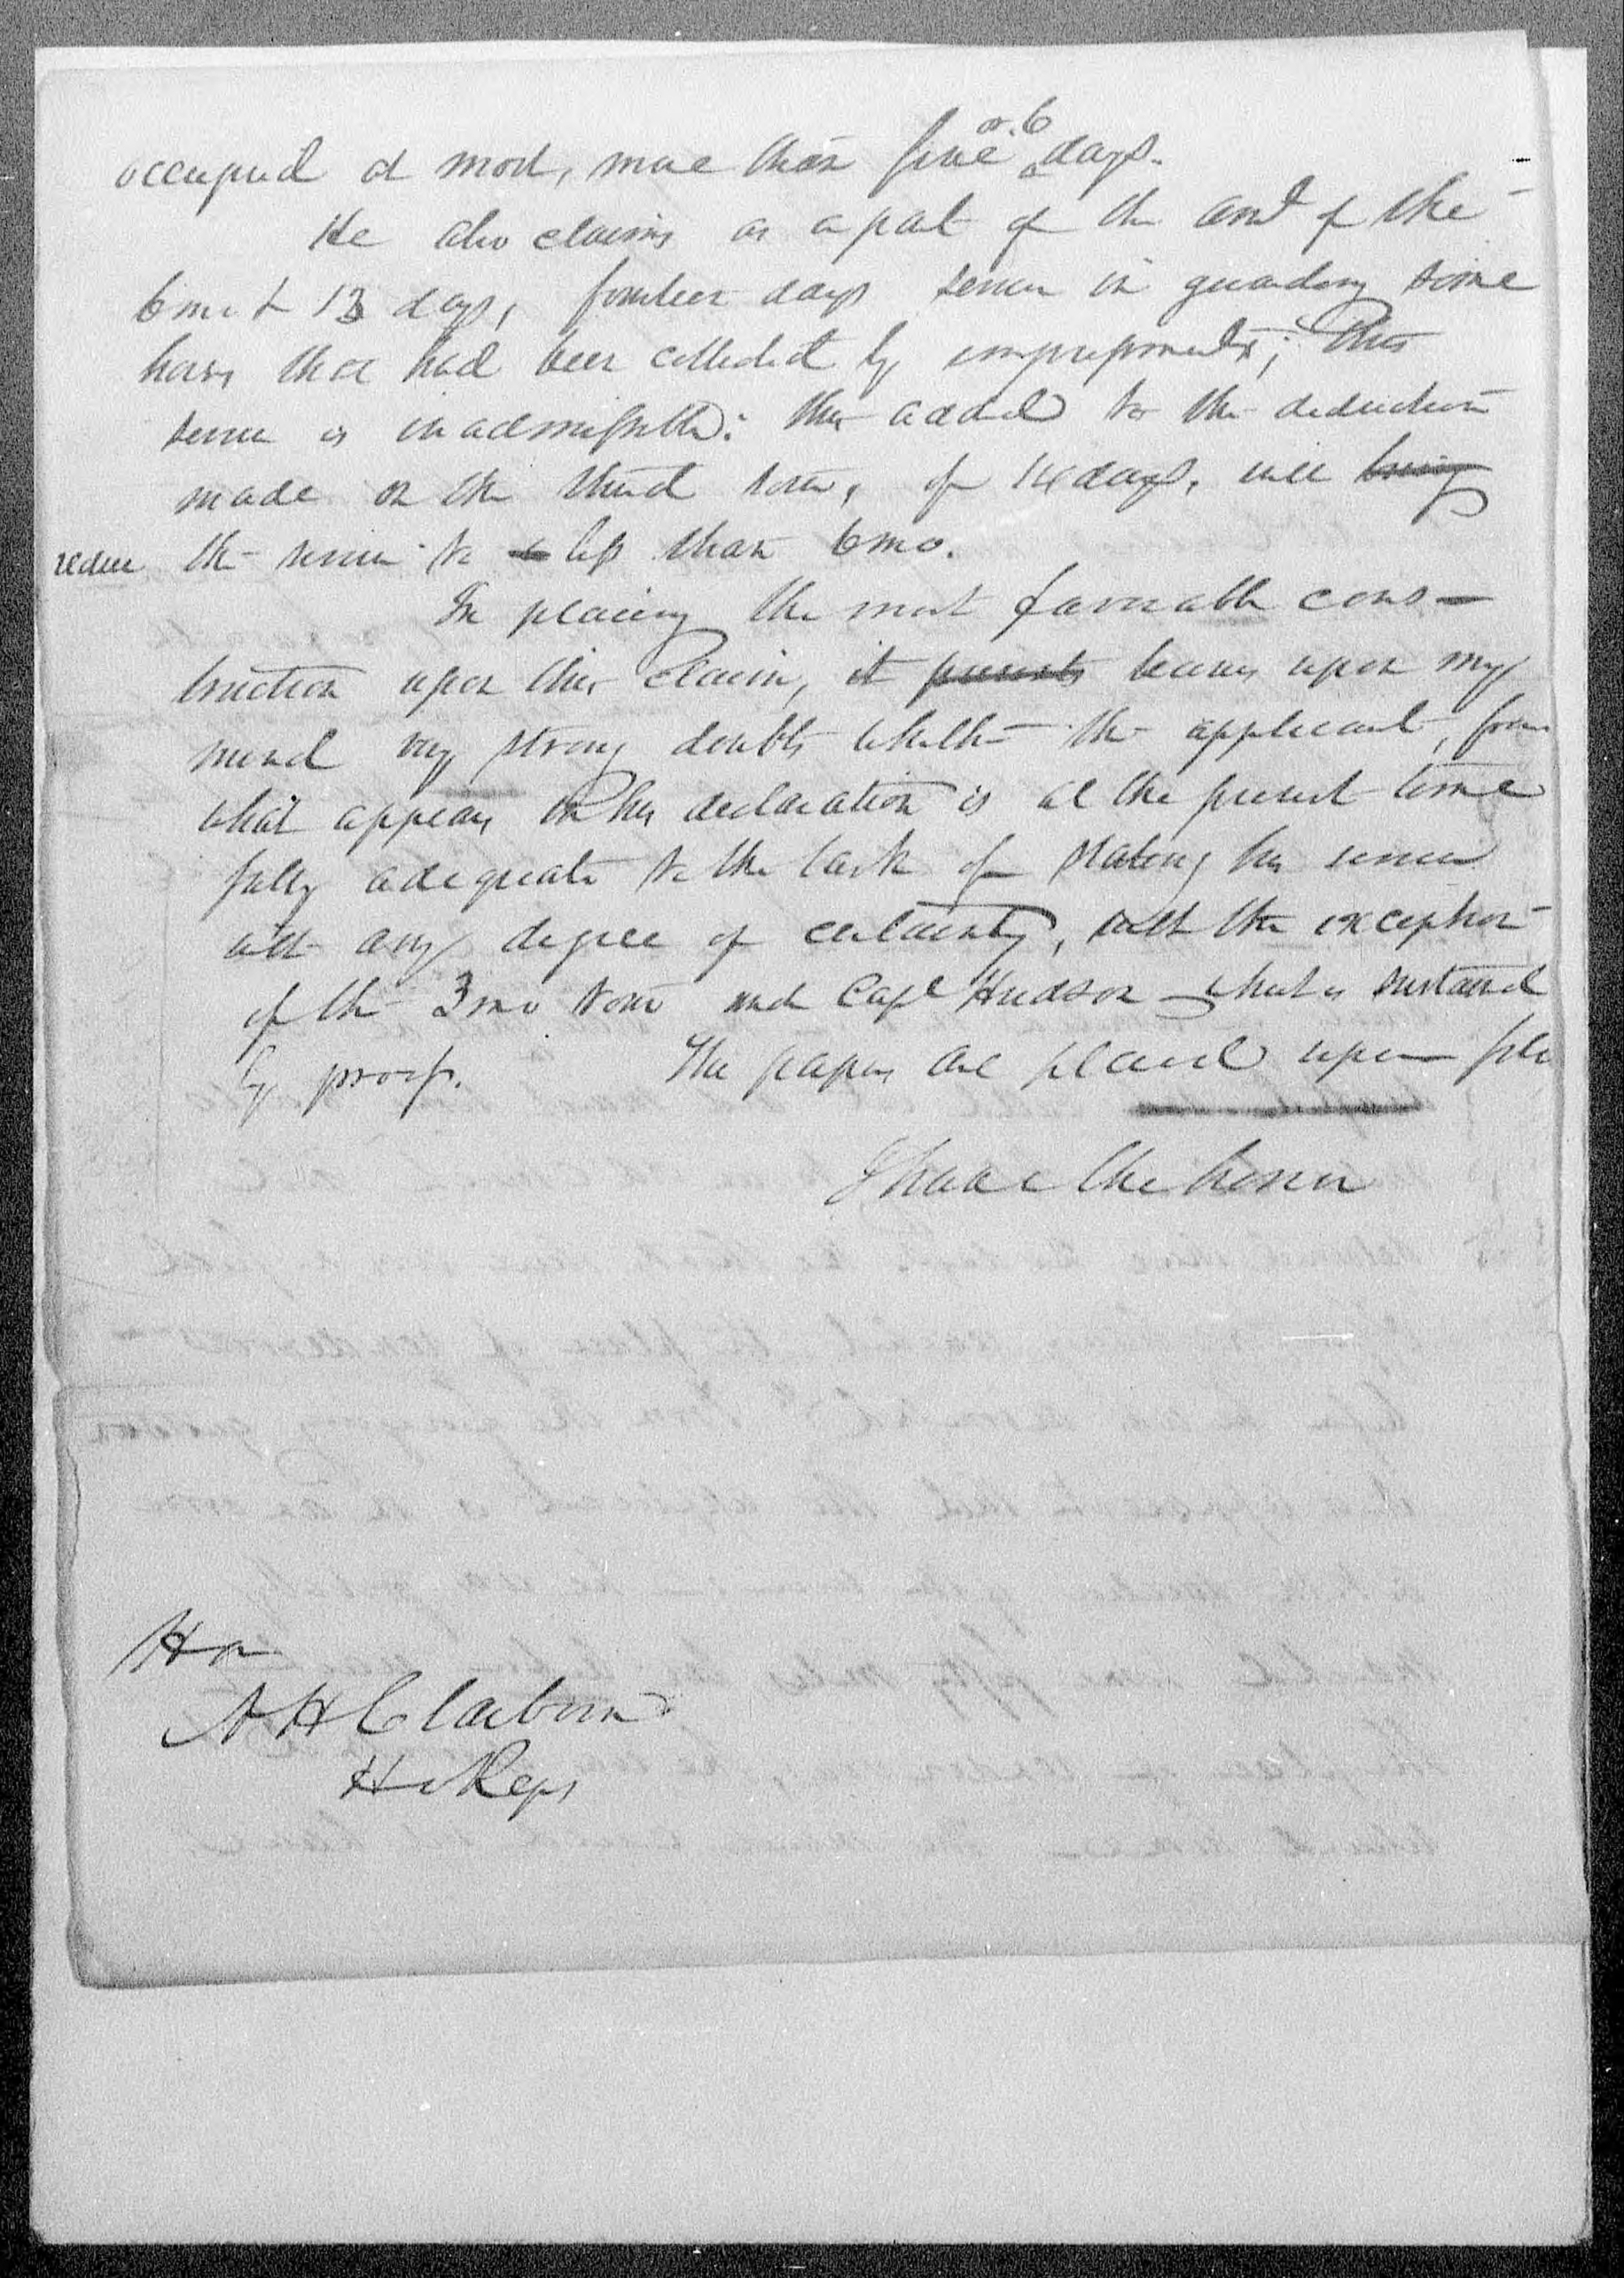occupied [illegible] more than five or 6 [inserted]days. He also claims as a part of the and of the [illegible]13 days, fourteen days served in guarding same pass that had been [illegible] by impressments, this serve is [illegible]: The added to the deduction made on the third day of 14 days, will [illegible] the service [illegible] 6mo.
In placing the most favorable construction
upon this claim it present [crossed out] leaves upon my mind my stray doubts whether the applicant for that appear in his declaration is at the present time fully adequate to the task of stating his service with any degree of certainty, with the exception of the [illegible] tour and Capt Hudson that [illegible] by proof. The papers are placed upon [illegible]

[illegible]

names: N H Claborn, Hudson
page: 13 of 25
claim: rejected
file: R. 1929, Robert Childress, Va